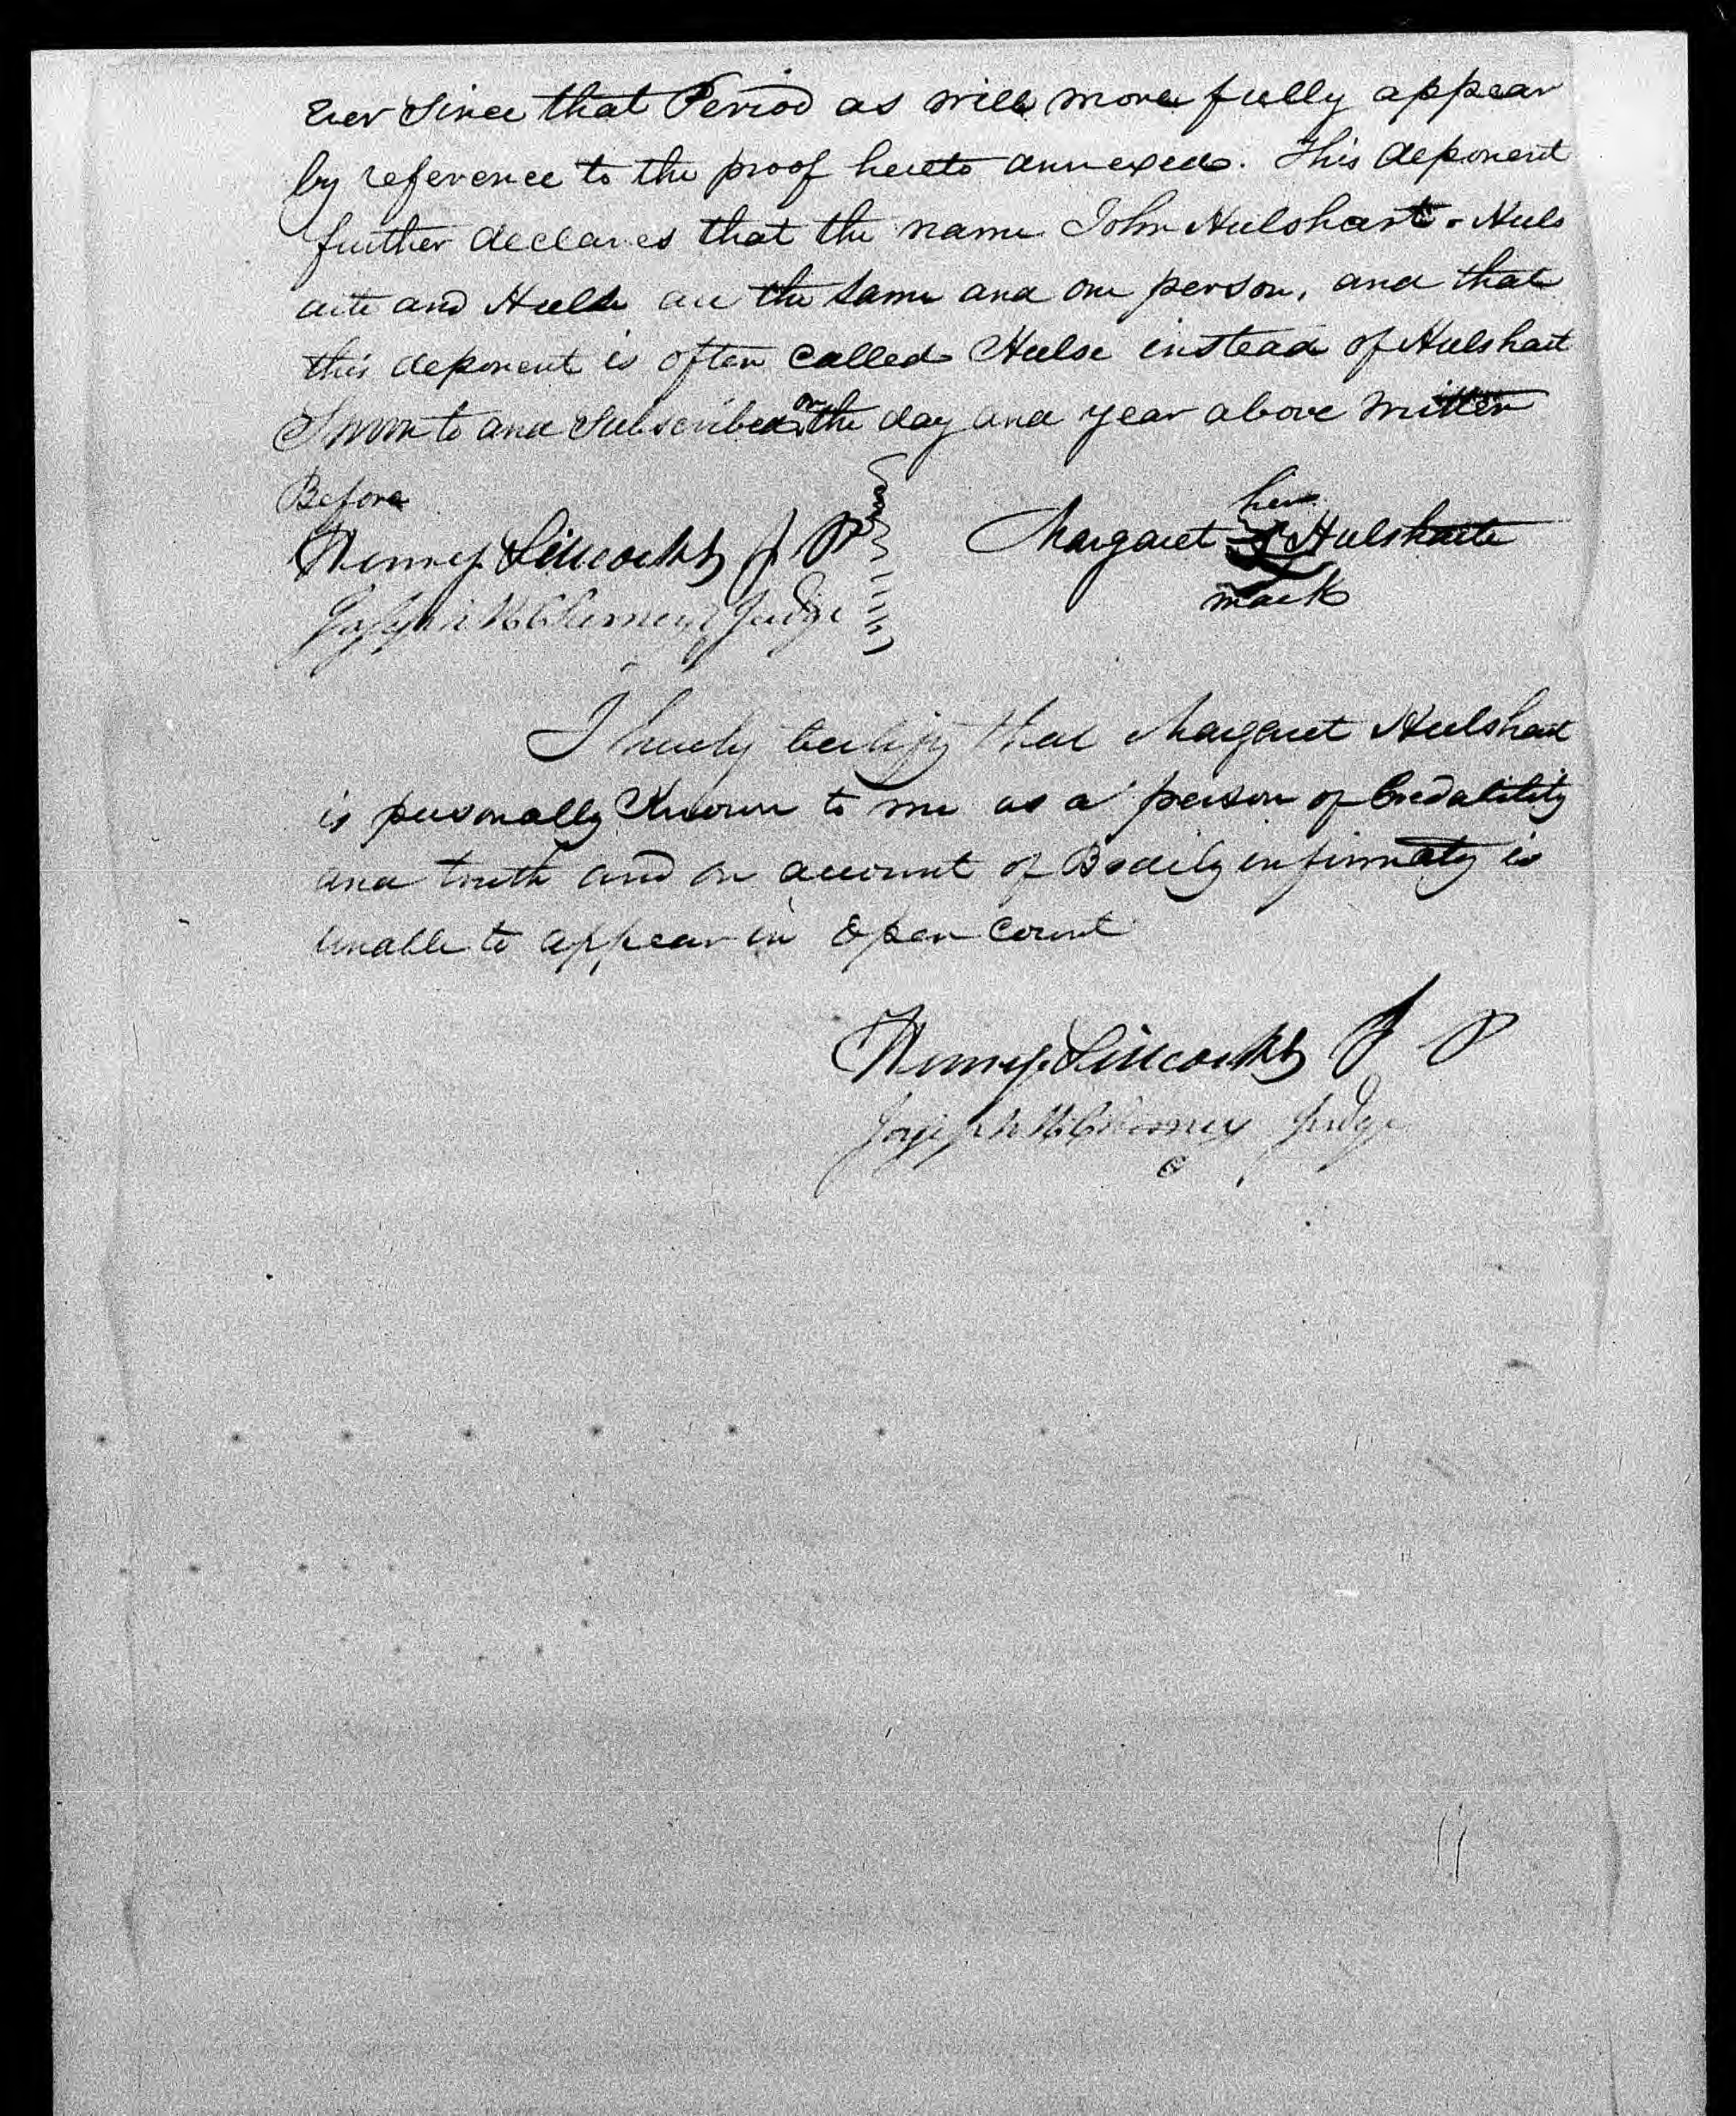ever since that period as will more fully appear
by reference to the proof hereto annexed. This deponent further declares that the name John Hulshart Hulsarte and Huls are the same and one person, and that this deponent is often called Hulse instead of Hulshart

Sworn to and Subscribed the day and year above written
Before
Henry Sillcocks
Joseph McChesney Judge

                  her
Margaret    X    Hulsharte
                mark

I hereby certify that Margaret Hulshart is
personally known to me as a person of credibility and truth and on account of Bodily infirmity is unable to appear in open Court
Henry Sillcocks  JP
Joseph McChesney Judge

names: Margaret Hulsharte, Joseph Mc Chesney, Hulse, John Huls, Henry Sillcocks, John Hulshart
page: 10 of 34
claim: widow's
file: W. 940, John Hulshart, New Jersey